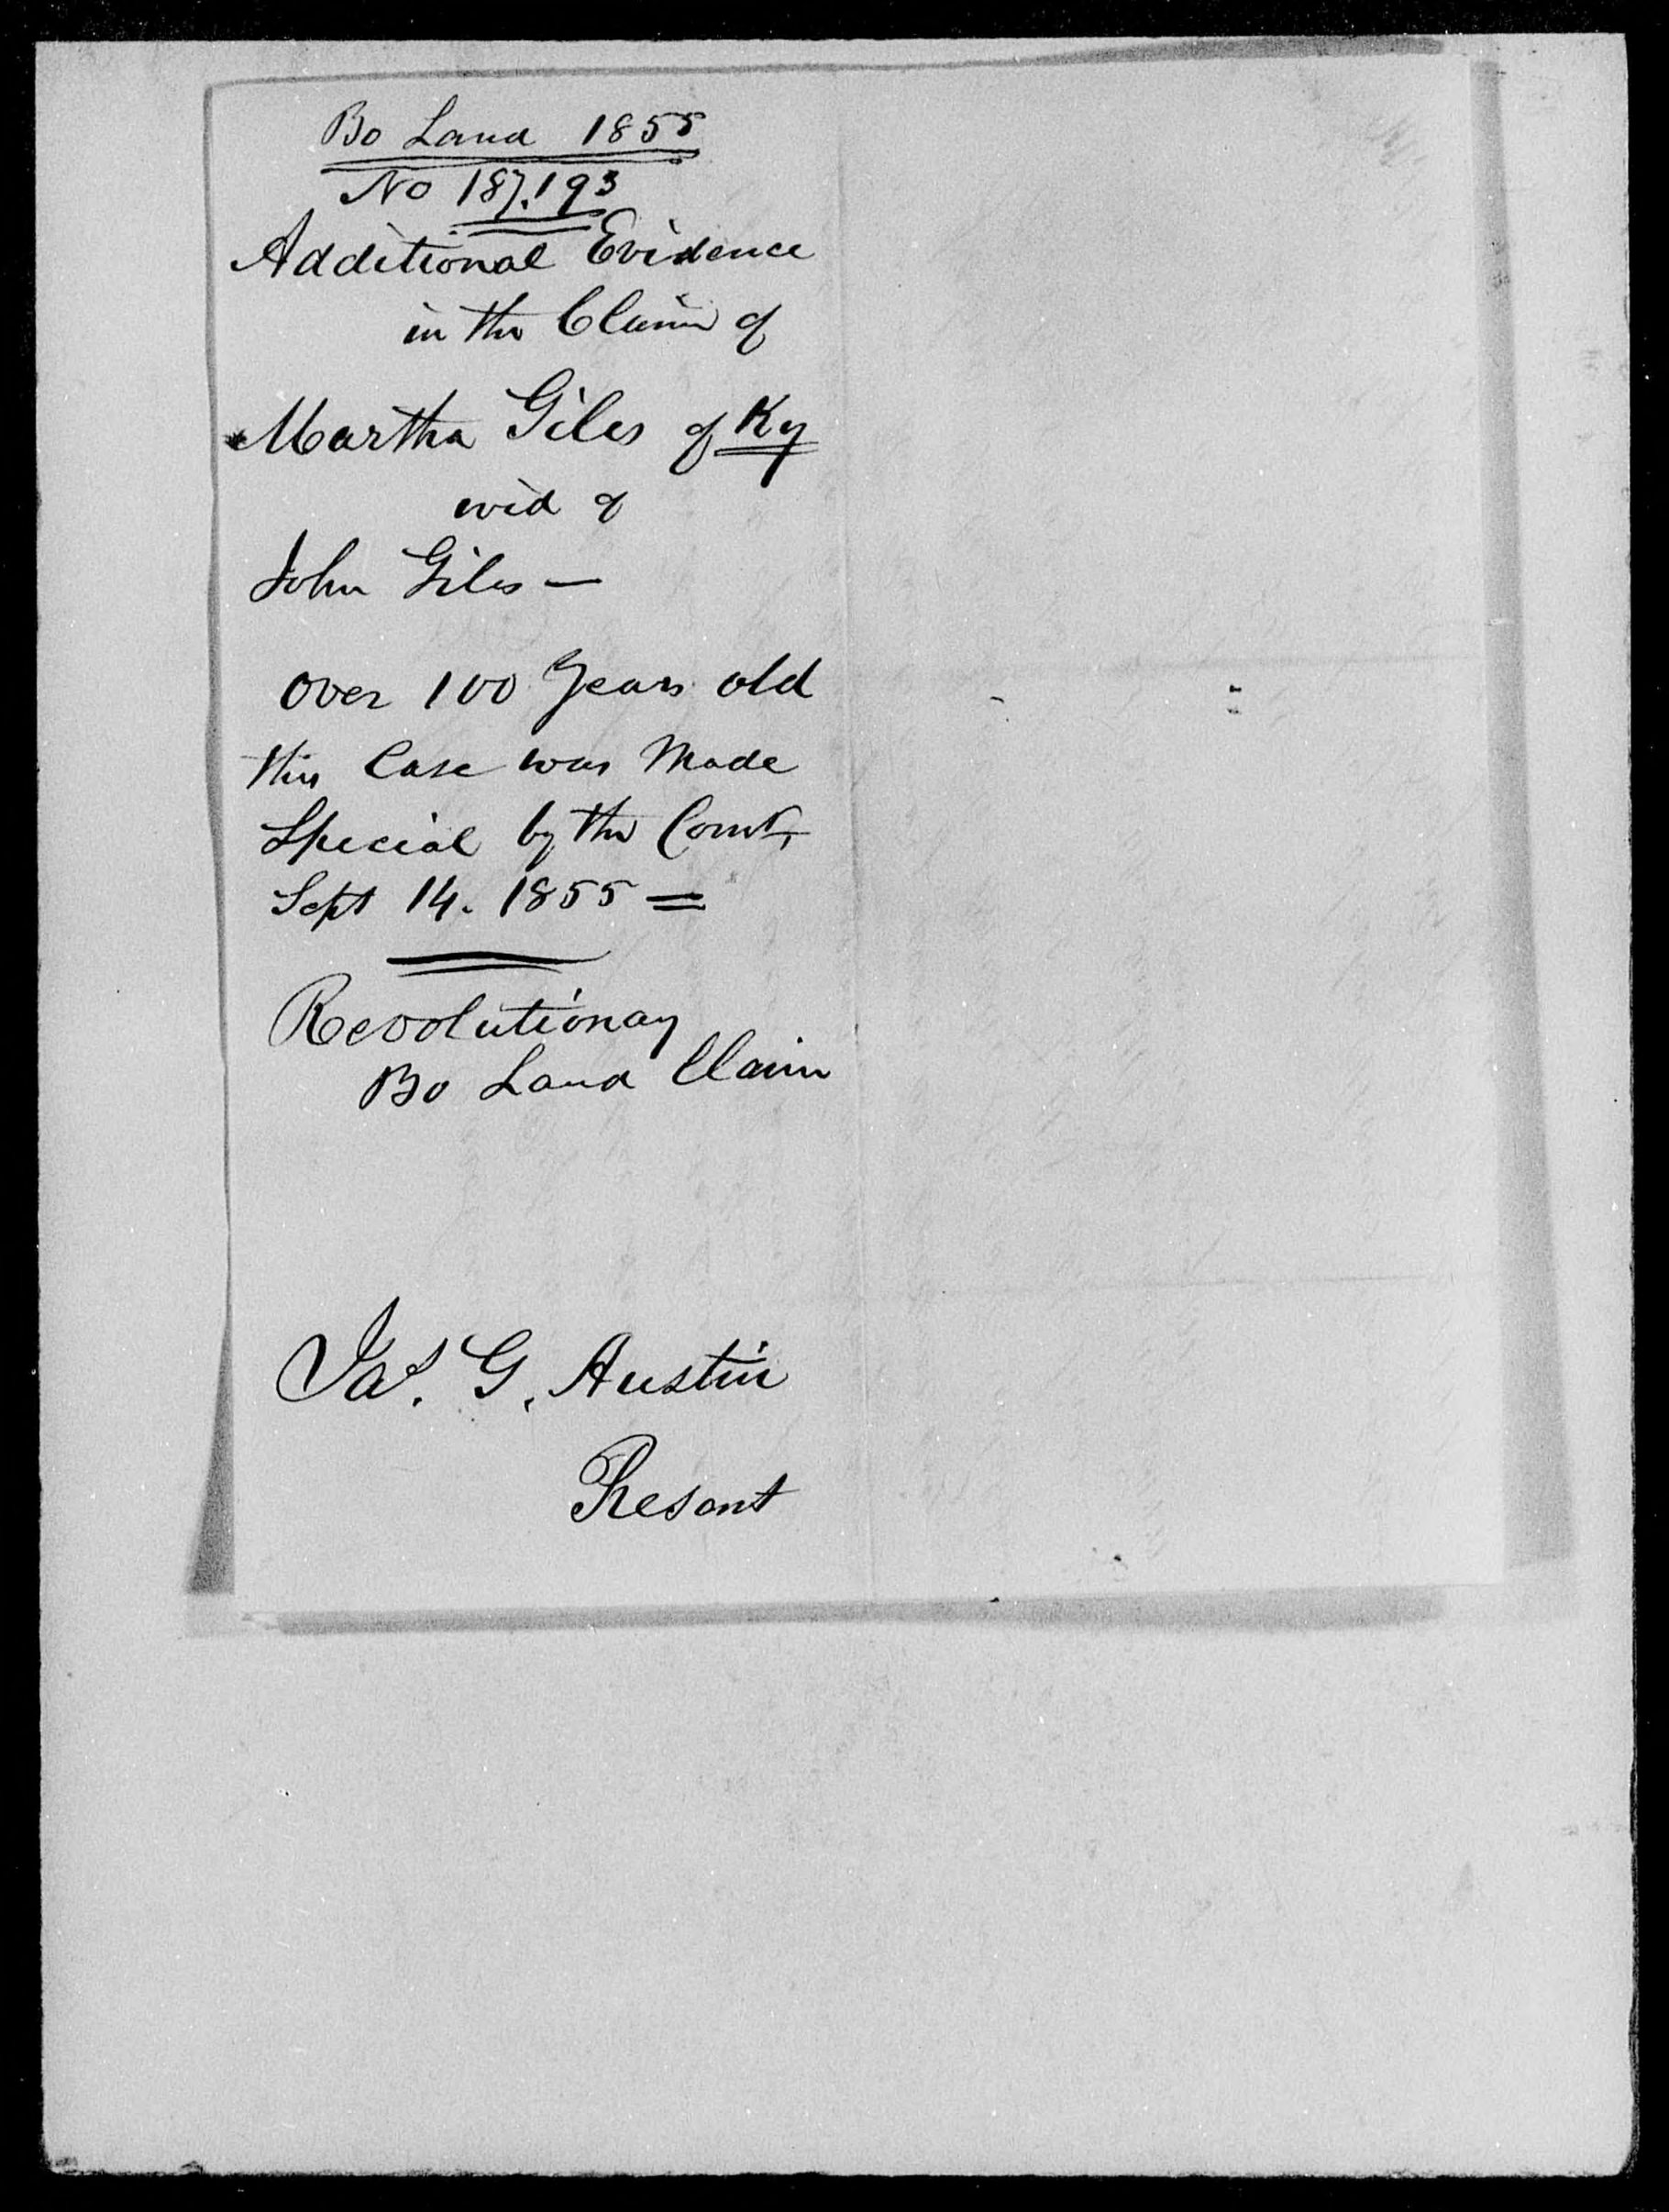Bo Land 1855

No 187.193

Additional Evidence
in the Claim of
Martha Giles
Wid of
John Giles
over 100 years old
this case was made
Special by the County
Sept 14, 1855

Revolutionary
Bo Land Claim

Jas G, Austin
Present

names: John Giles, Jas G Austin, Martha Giles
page: 54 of 82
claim: widow's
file: W. 7,522, John Giles, N.C.